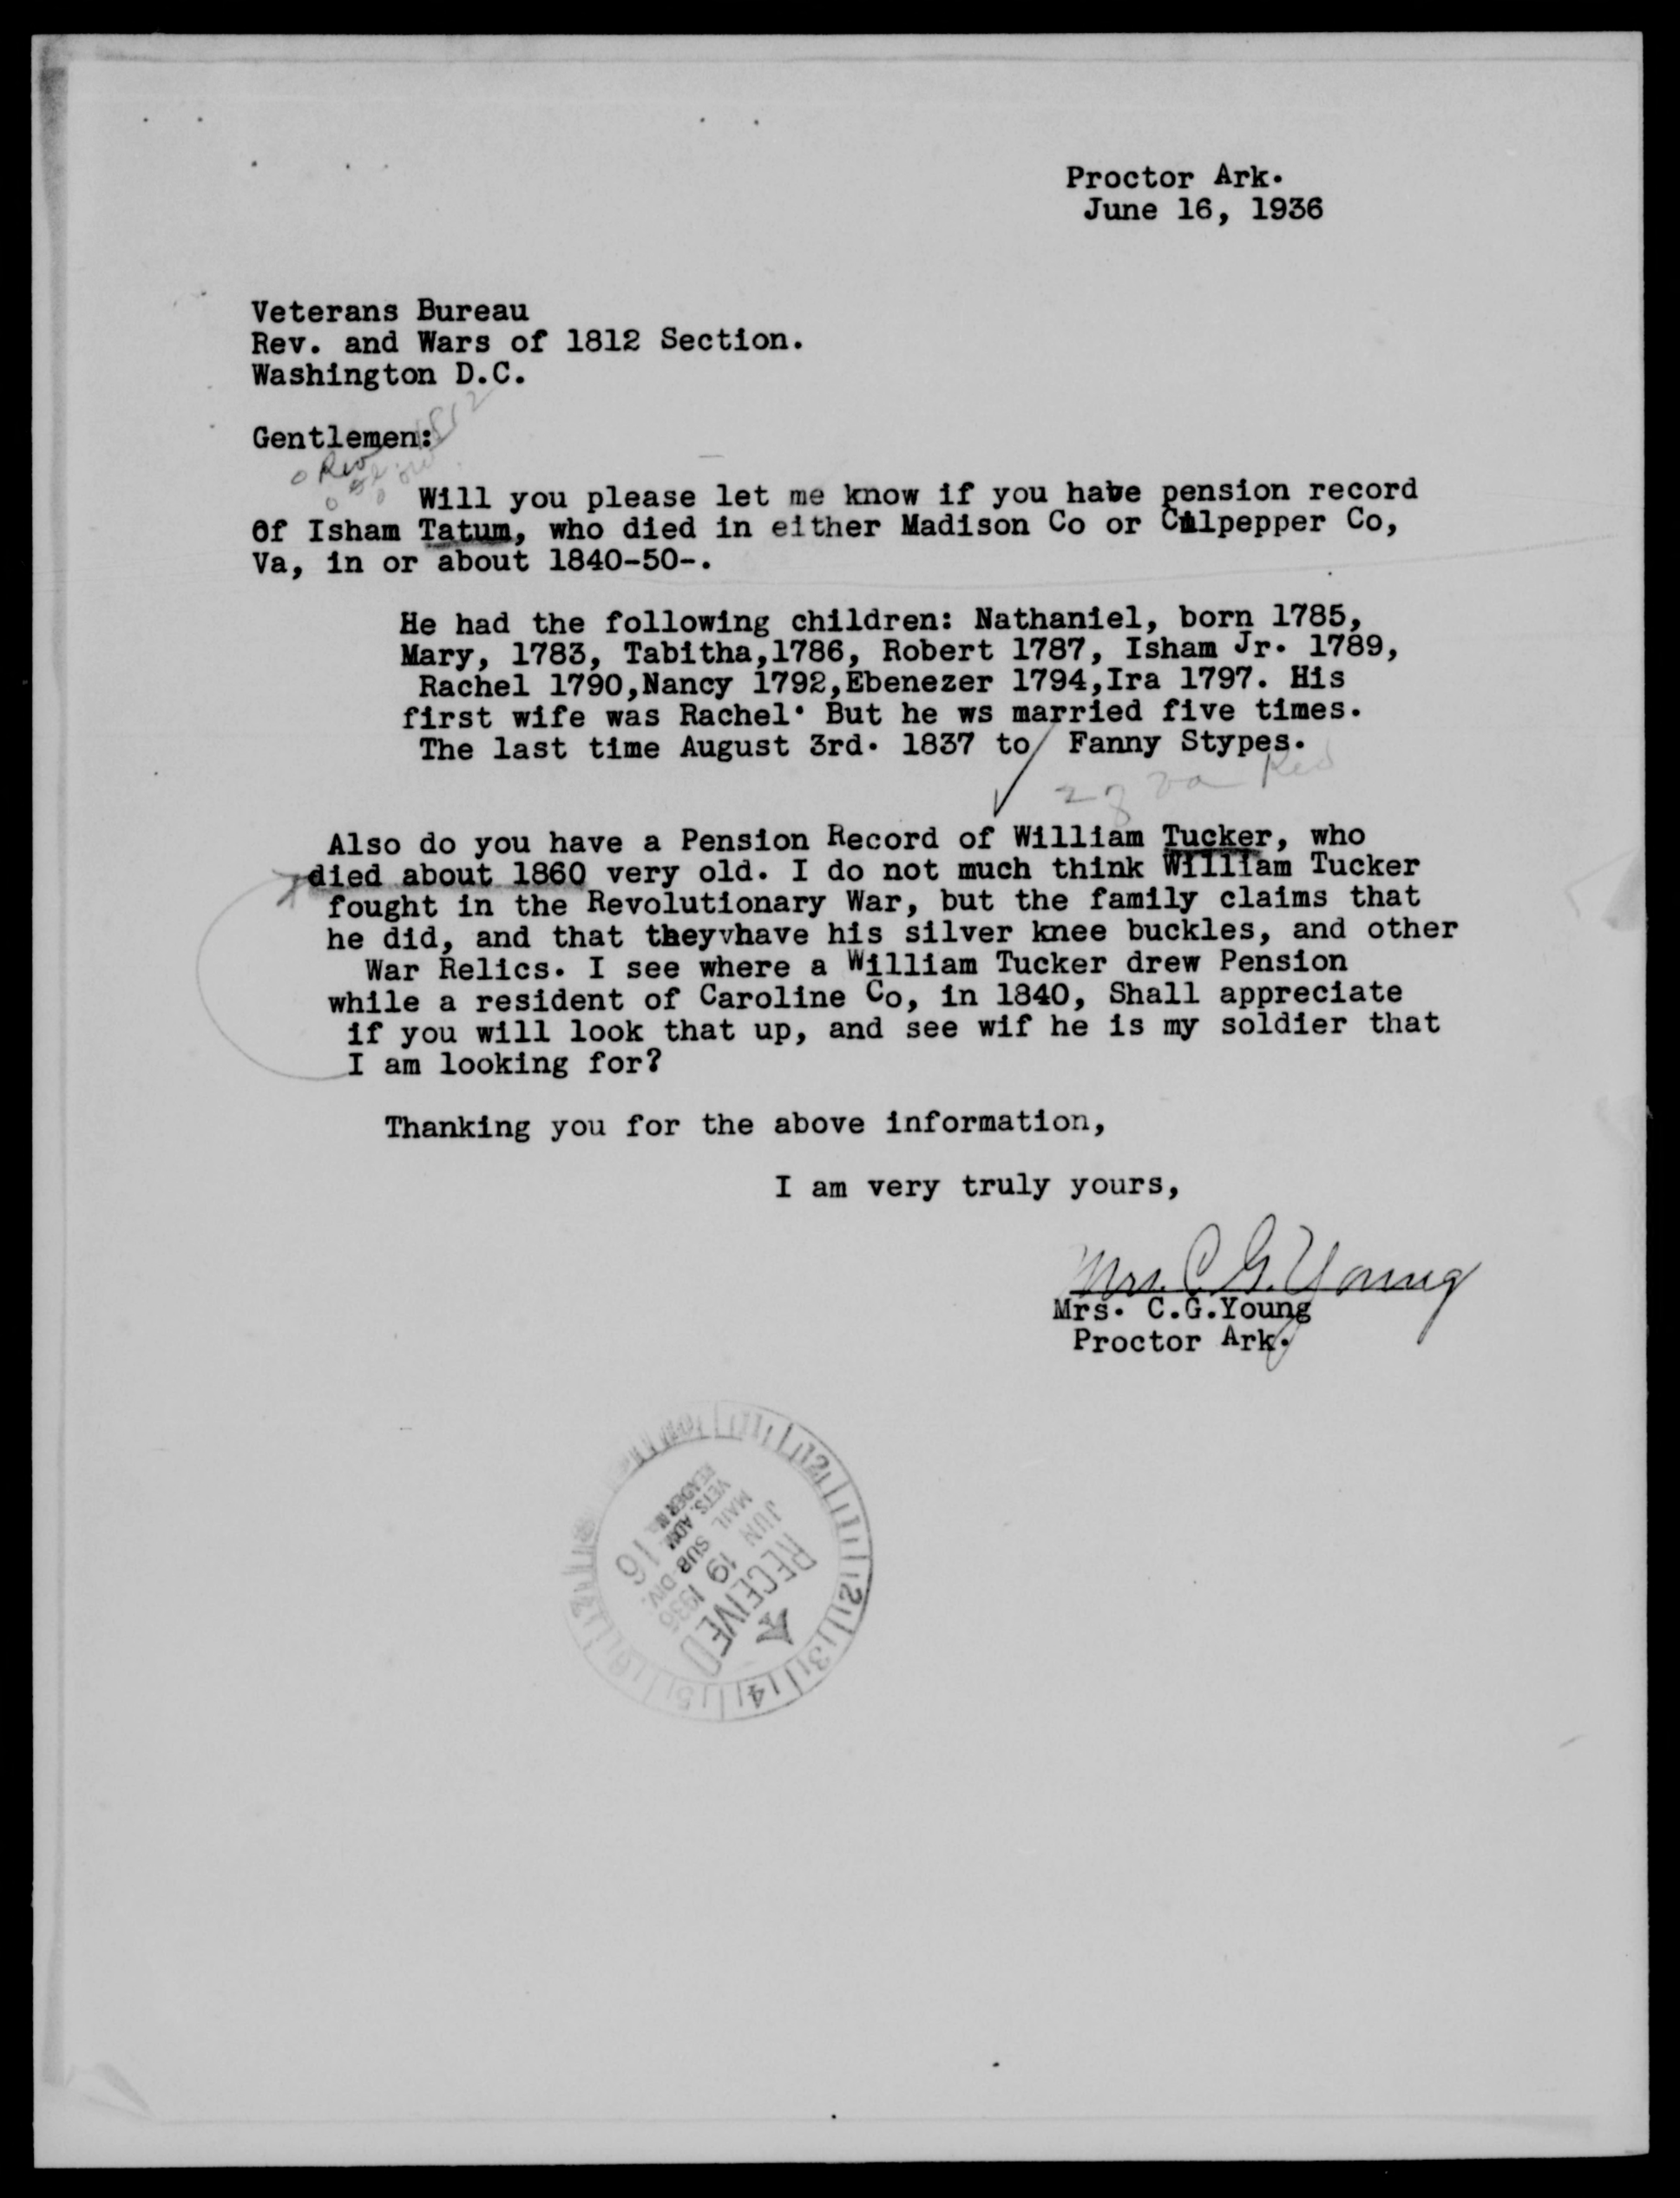Proctor Ark.
June 16, 1936
Veterans Bureau
Rev. and War of 1812 Section.
Washington D.C.
Gentlemen:
o Rev o [illegible]
Will you please let me know if you have pension record of Isham Tatum, who died in either Madison Co or Calpepper Co, Va, in or about 1840-50-.
He had the following children: Nathaniel, born 1785, Mary, 1783, Tabitha, 1786, Robert 1787, Isham Jr. 1789, Rachel 1790, Nancy 1792, Ebenezer 1794, Ira 1797. His first wife was Rachel. But he ws married five times. The last time August 3rd, 1837 to Fanny Stypes.
2 of Va Res
Also do you have a Pension Record of William Tucker, who died about 1860 very old. I do not much think William Tucker fought in the Revolutionary War, but the family claims that he did, and that theyv his silver knee buckles, and other War Relics. I see where a William Tucker drew pension while a resident of Caroline Co. in 1840, shall appreciate
if you will look that up, and see wif he is my soldier that I am looking for?
Thanking you for the above information,
I am very truly yours,
Mrs. C G. Young
Mrs. C. G. Young
Proctor Ark.
RECEIVED JUNE 19 1935 MAIL SUB DIV. VETS. ADMRECEIVER NO 16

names: William Tucker, Nathaniel, Ira, William Tucker, William Tucker, Mary, Ebenezer, Tabitha, Robert, C G Young, Fanny Stypes, Rachel, Nancy, C G Young, Rachel, Isham Tatum, Isham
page: 12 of 13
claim: survivor's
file: S. 7764, William Tucker, Va.